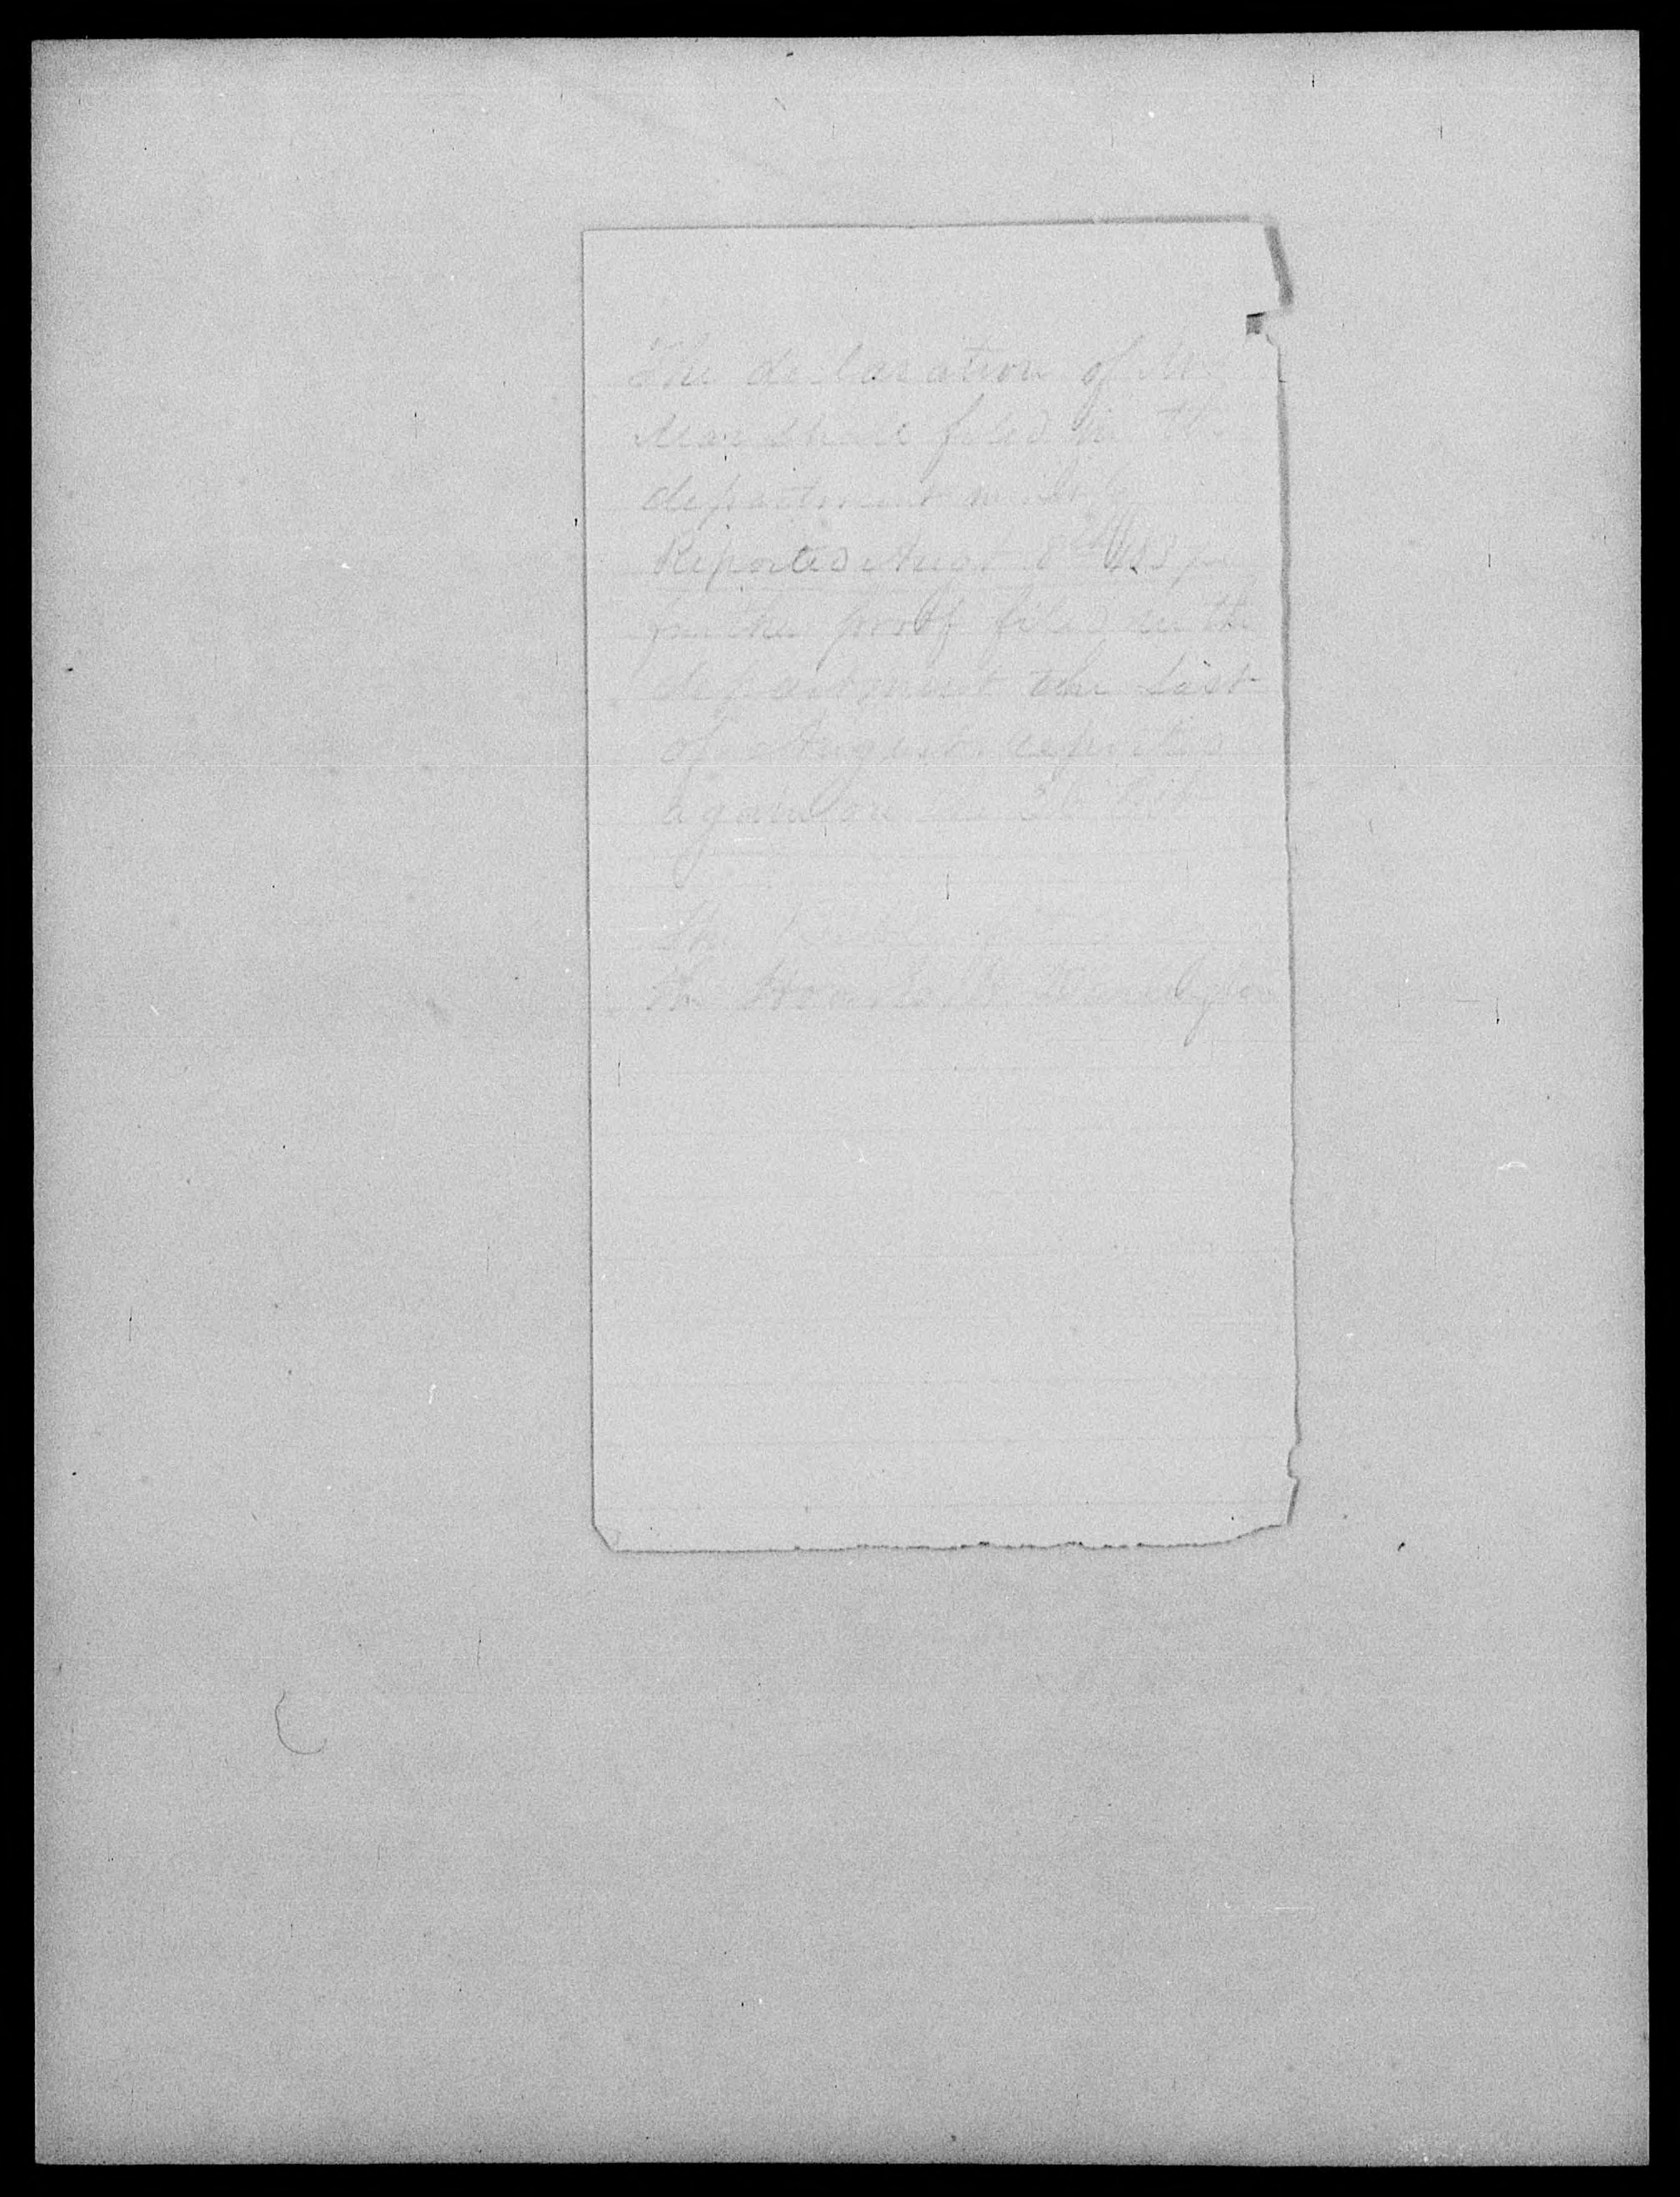Chester [illegible] / 46
Dr Sir,

I enclose you a certificate on behalf of the children of Mrs Margaret Marshall a late pensioner.  it [illegible] in the power of the children to have it made as full as the form you sent [illegible] [illegible] to require for the reason that the form=ify have not in their possession. The [illegible] certificate of Mrs Marshall. enguiry was made for it at the hay agency in Philadelphia and the answer was that the certificate had been sent to Washington. I was well acquainted with Mrs Marshall and know he was a pensioner. application was made for her while I was a representative in congress from this state and I entered [illegible] in her behalf. should more be required to enable the children to receive the arrear of pension, please inform me and it shall be done.
[illegible your obdt. svt.
Edwd Darlington

J L Edwards Esq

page: 24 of 86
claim: widow's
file: W. 3571, for David Marshall, Pennsylvania